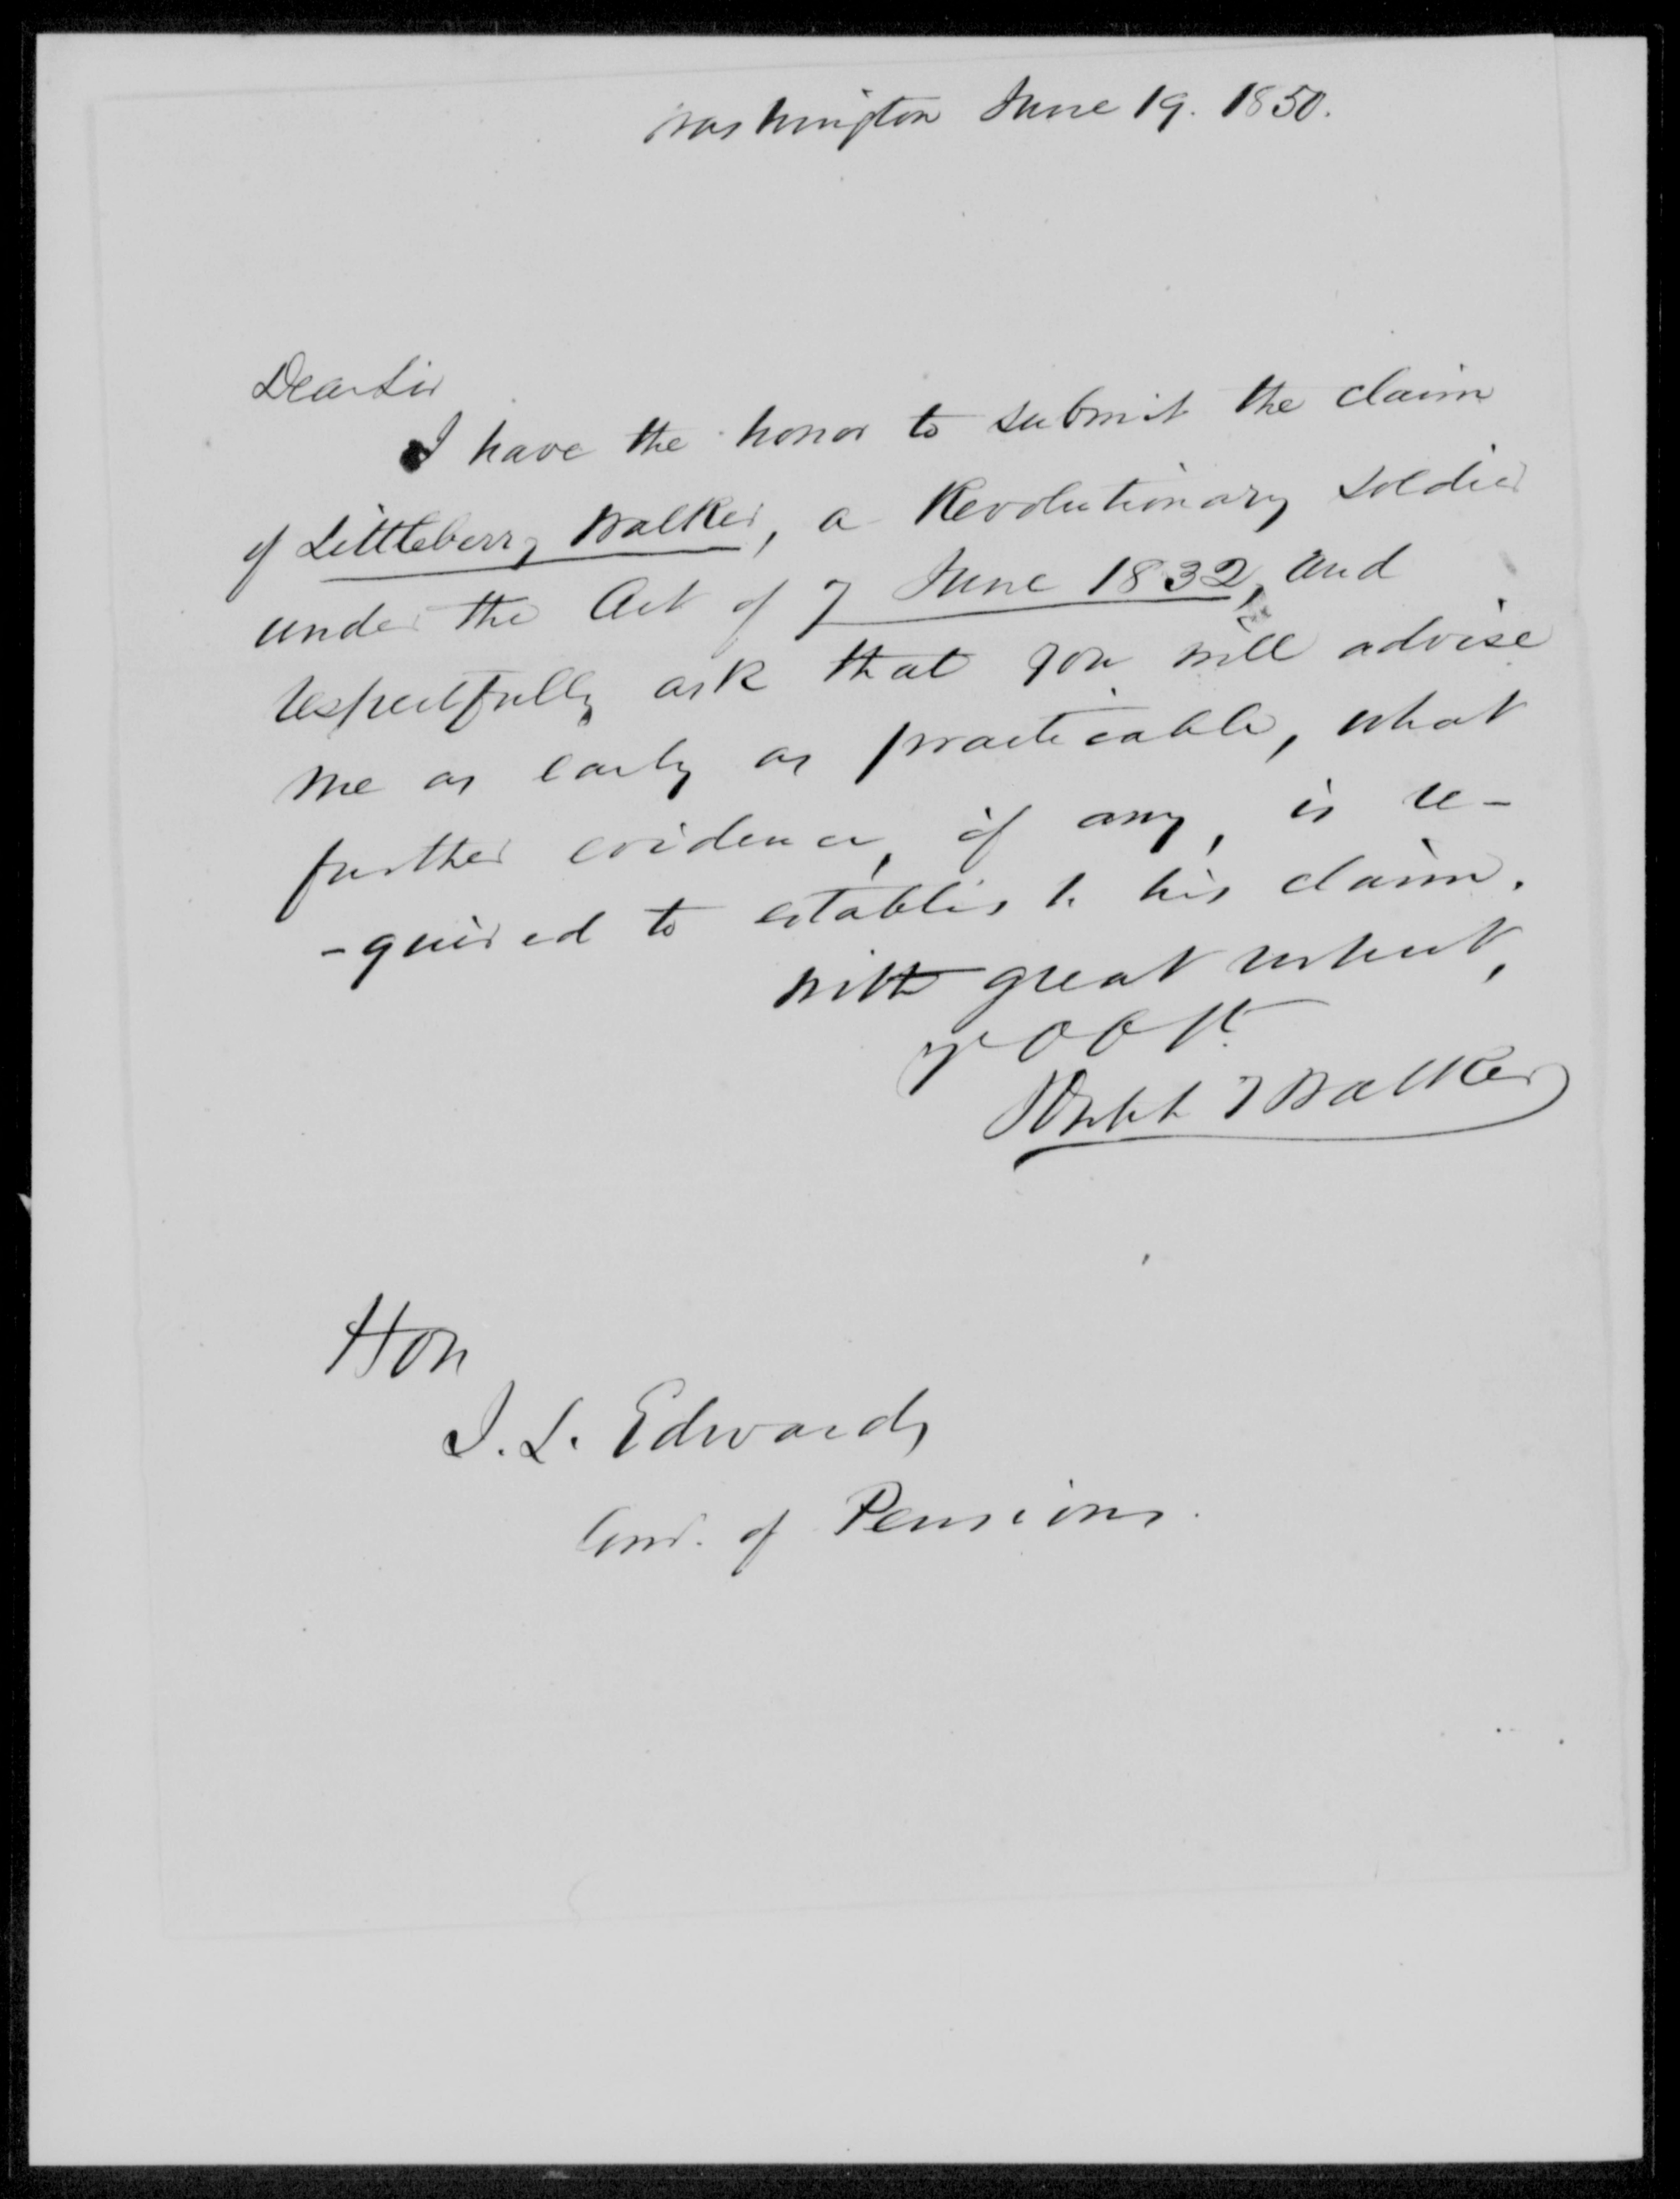Dear Sir
I have the honor to submit the claim of Littleberry Walker, a Revolutionary soldier under the Act of 7 June 1832, and respectfully ask that you will advise me as early as practicable, what further evidence, if any, is required to establish his claim.
Wtih great respect,
Yr OOSvt
Joseph Walker


Hon
J.L. Edwards
Conf of Pension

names: Joseph T Walker, Littleberry Walker, J L Edwards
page: 10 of 15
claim: rejected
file: R. 11045, Littleberry Walker, Ga.